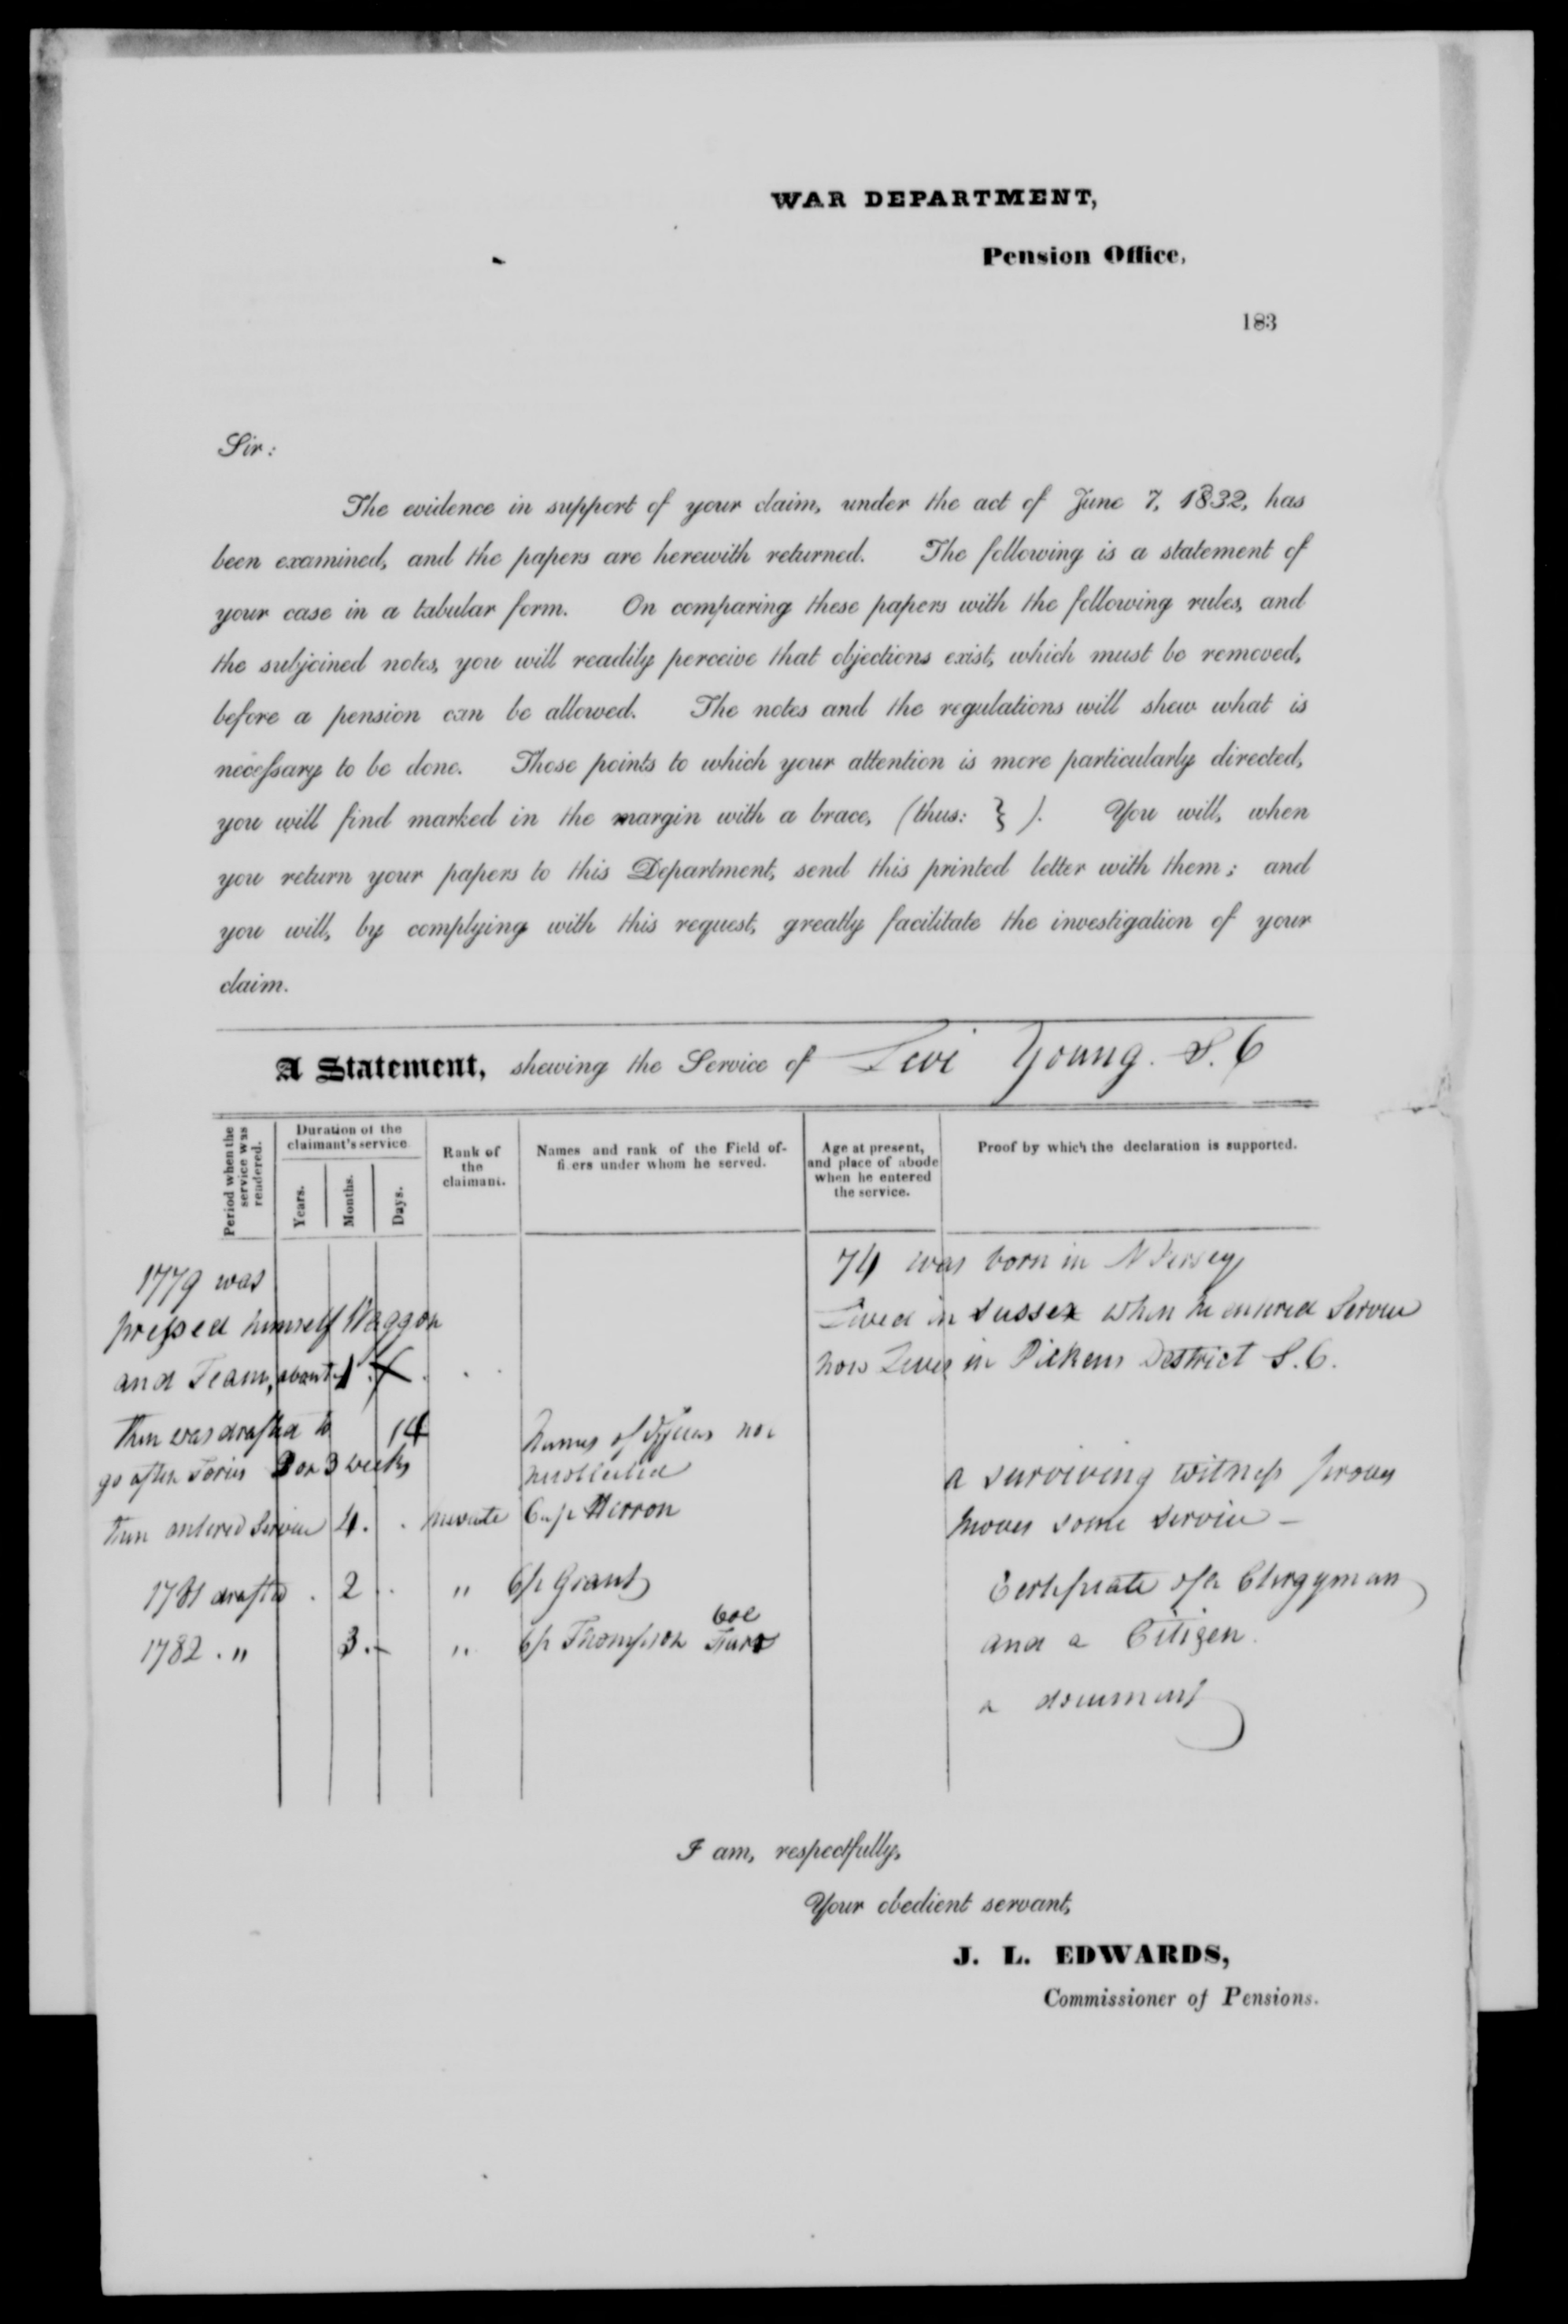WAR DEPARTMENT,
Pension Office,
183

Sir:
The evidence in support of your claim, under the act of June 7, 1832, has
been examined, and the papers are herewith returned.  The following is a statement of
your case in a tabular form.  On comparing these papers with the following rules, and
the subjoined notes you will readily perceive that objections exist, which must be removed,
before a pension can be allowed.  The notes and the regulations will shew what is
necessary to be done.  These points to which your attention is more particularly directed,
you will find marked in the margin with a brace, (thus: }).  You will, when
you return your papers to this Department, send this printed letter with them ; and
you will, by complying with this request, greatly facilitate the investigation of your
claim.

A Statement, shewing the Service of Levi Young S.C [South Carolina]

Period when the service was entered.  1779 was pressed himself Waggon (sic Wagon) and Team, 
Duration of the claimant's service about 1 month X days.
Rank of the claimant. (blank)
Names and rank of the Field officers under whom he served.  (blank)
Age at present, and place of abode when he entered the service.  74 was born in N[ew] Jersey Lived in Sussex when he entered service
now lives in Pickens District S.C. [South Carolina]
Proof by which the declaration is supported. (blank)

Period when the service was entered. Then was drafted to go after Tories 
Duration of the claimant's service 2 or 3 weeks  14 days.
Rank of the claimant. (blank)
Names and rank of the Field officers under whom he served. Names of officers not recollected
Place of abode when he entered the service. (blank)
Proof by which the declaration is supported. (blank)

Period when service was entered. then entered service 
Duration of the claimant's service 4 months.
Rank of the claimant. private
Names and rank of the Field officers under whom he served. Cap [Captain] Hirron
Place of abode when he entered the service. (blank)
Proof by which the declaration is supported.  a surviving witness proves proves (sic) some service -

Period when service was entered. 1781 drafted 
Duration of the claimant's service 2 months. 
Rank of the claimant. " [ditto marks, probably private]
Names and rank of the Field officers under whom he served. Cp [Captain] Grant
Place of abode when he entered the service. (blank)
Proof by which the declaration is supported. Certificate of a Clergyman and a Citizen.

Period when the service was entered.  1782 " (ditto marks, probably refers to the word above - drafted)
Duration of the claimant's service 3 months.
Rank of the claimant. " [ditto marks, probably private]
Names and rank of the Field officers under whom he served.  Cp [Captain] Thompson Col [Colonel] Fare
Proof by which the declaration is supported.  a document

I am, respectfully,
Your obedient servant,
J. [James] L. EDWARDS,
Commissioner of Pensions.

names: Thompson, J L Edwards, Levi Young, Grant, Merron, Fare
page: 9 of 56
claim: widow's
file: W. 9040, Levi Young, Ga. New Jersey S.C.